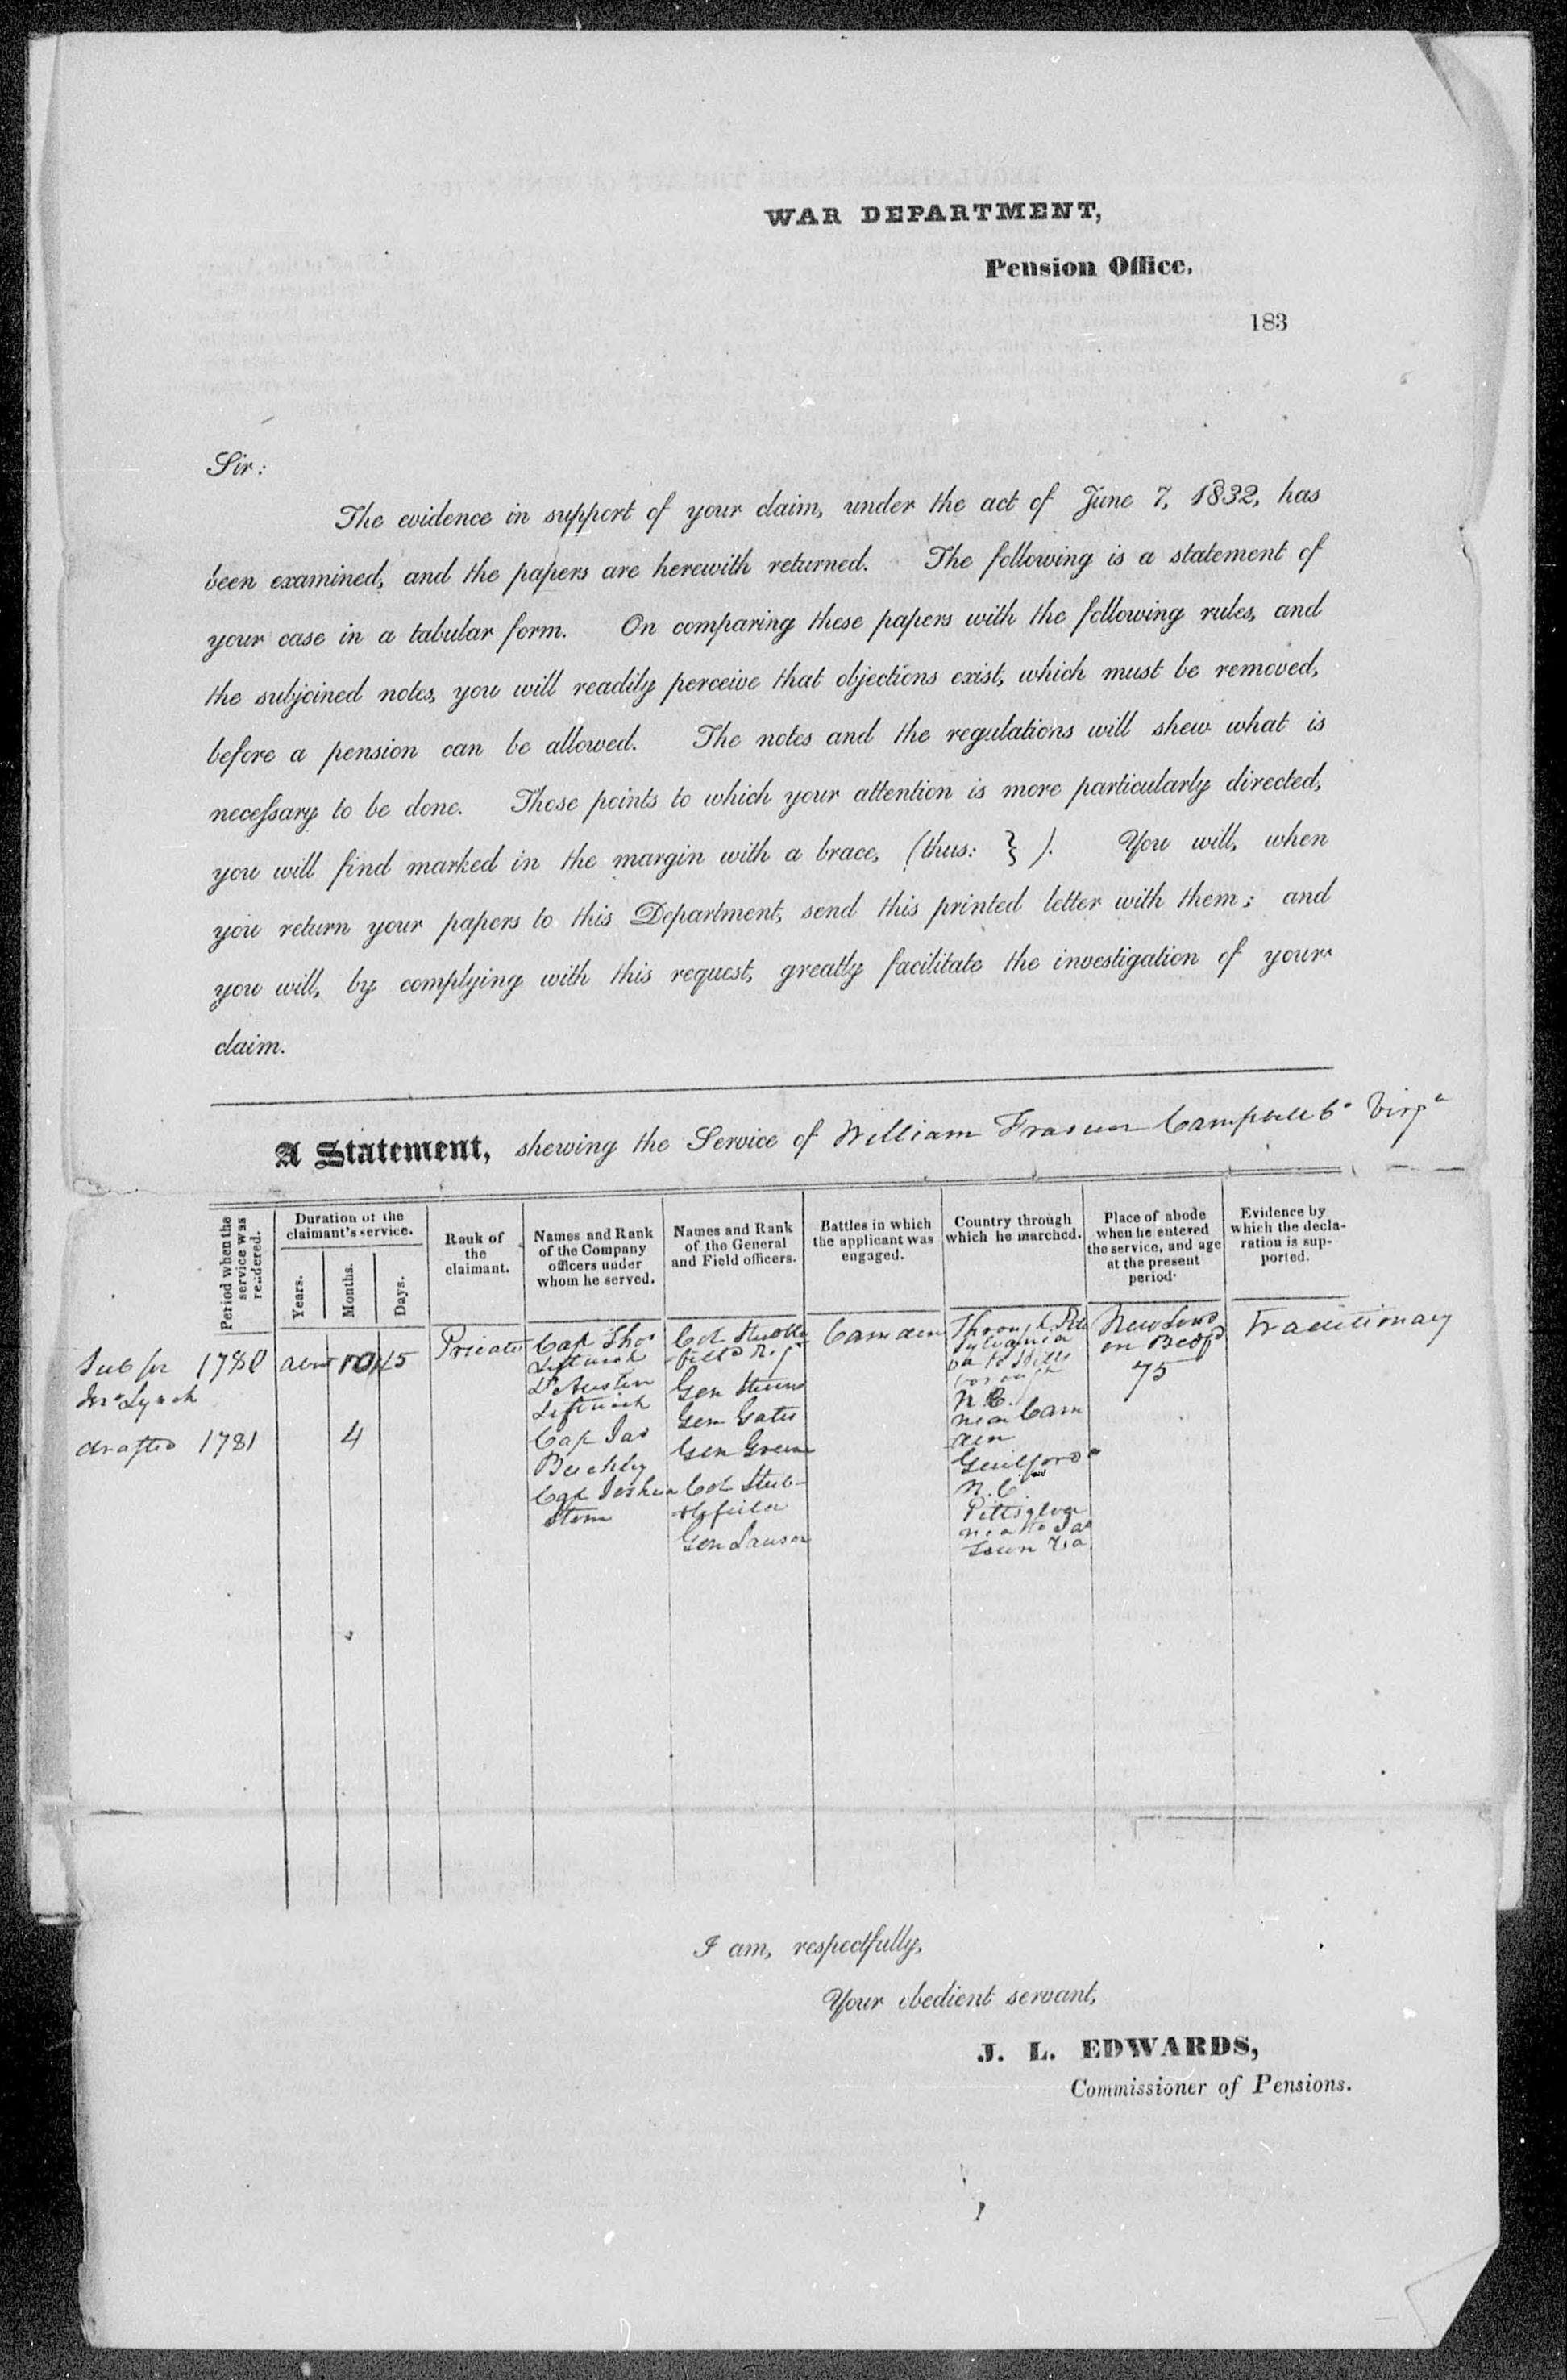WAR DEPARTMENT, 

Pension Office. 

183 

Sir: 

The evidence in support of your claim, under the act of your claim, under the act of June 7, 1832, has been examined, and the papers are herewith returned. The following is a statement of your case in a tabular form. On comparing these papers with the following rules, and the subjoined notes, you will readily perceive that objections exist, which must be removed, before a pension can be allowed. The notes and the regulations will show what is necessary to be done. These points to which your attention is more particularly directed you will find marked in the margin with a brace, (thus: } ). You will, when you return your papers to this Department, send this printed letter with them; and you will, by complying with this request, greatly facilitate the investigation of your claim. 

A Statement, showing the Service of William Frazier Campbell Virga

Period when the serviced was rendered. 
Sub for 1780 
Jn Lynch 
drafted 1781 

Duration of the claimant's service. 

Years.  

Months. 
About 10 [for substitute] 
4 [for draft] 

Days. 
15 [for substitute] 

Rank of the claimant. 
Private 

Names and Rank of the Company officers under whom he served. 
Cap Tho Leftwich 
Lt Austin Leftwich 
Cap Jas Buckley 
Cap Joshua Stone 

Names and Rank of the General and Field officers. 
Col Stuck-field [illegible]
Gen Stevens 
Gen Gates 
Gen Green 
Col Stub-blefield 
Gen Lawson 

Battles in which the applicant was engaged. 
Camden 

Country through which he marched. 
Through Pitt-sylvania on to Hills-borough N.C. 
[illegible] Camden 
Guildford N.C. 
Pittsylva-nia [illegible] 
Jas Town [illegible] 

Place of abode when he entered the service, and age at the present period. 
New Lond-on Bedfrd 
75 

Evidence by which the declaration is supported. 
Traditionary 

I am, respectfully, 
Your obedient servant, 
J. L. EDWARDS, 
Commissioner of Pensions.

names: J L Edwards, Jas Buckley, William Frasier, Lawson, Stevens, Joshua Stern, Stuckfield, Gates, Austin Leftwich, Thos Leftwich, Stubblefield, Green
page: 8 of 13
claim: survivor's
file: S. 17966, William Frazier, Va.